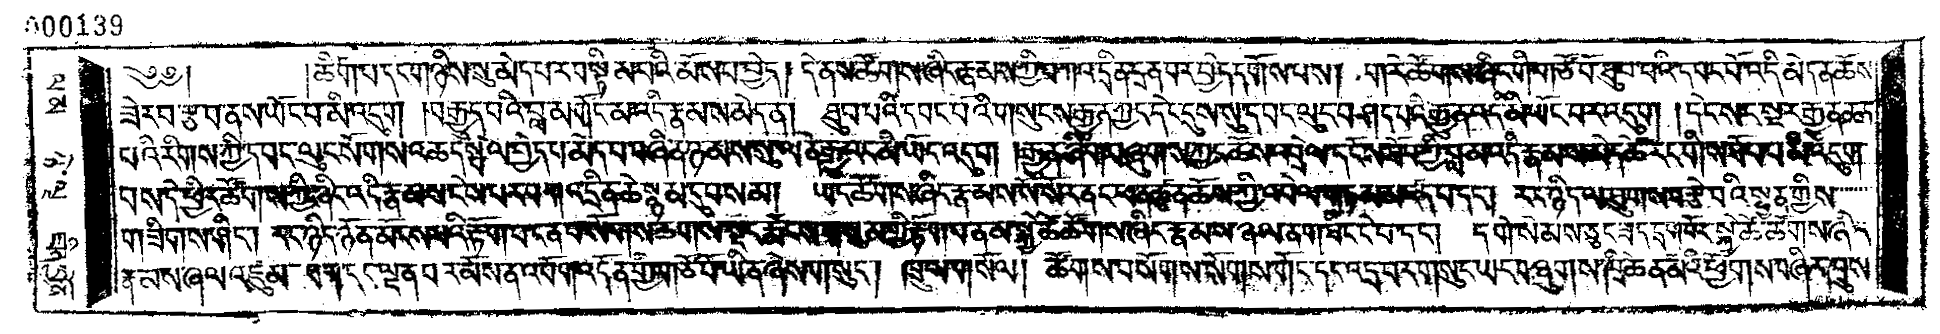༄༅། །ཚིག་པ་དང་གཉིས་སུ་མེད་པར་བསྟིམ་པའི་མོས་པ་བྱེད། དེ་ནས་ཚོགས་ཞིང་རྣམས་ཀྱི་བཀའ་དྲིན་དྲན་པར་བྱེད་དགོས་པས། ག་རེ་ཚོགས་ཞིང་གི་གཙོ་བོ་ཐུབ་པའི་དབང་པོ་འདི་མེད་ན་ཆོས་
ཟེར་བ་རྩ་བ་ནས་ཡོང་བ་མི་འདུག །བརྒྱུད་པའི་བླ་མ་གོང་མ་འདི་རྣམས་མེད་ན། ཐུབ་པའི་དབང་པོའི་གསུངས་རྒྱུན་ཀྱང་དེང་དུས་སུ་དབང་ལུང་བཤད་པའི་རྒྱུན་འདི་མི་ཡོང་བར་འདུག །དེང་སང་སྔར་རྒྱུན་ཆད་
པའི་རིགས་ཀྱི་དབང་ལུང་སོགས་འཆད་སྤེལ་བྱེད་པ་མེད་པ་བཞིན་ཉམས་སུ་ལེན་རྒྱུའང་མི་ཡོང་འདུག །རྒྱུན་ཞིག་བཞུགས་ཀྱང་ཆོས་འབྲེལ་དངོས་ཐོབ་ཀྱི་བླ་མ་འདི་རྣམས་མེད་ཚེ་རང་གིས་ཐོབ་པ་མི་འདུག་
བས་དེ་ཕྱིར་ཚོགས་ཀྱི་ཞིང་འདི་རྣམས་ངེས་པར་བཀའ་དྲིན་ཆེ་སྙམ་དུ་བསམ། ཡང་ཚོགས་ཞིང་རྣམས་སོ་སོར་ནང་ཕན་ཚུན་ཆོས་ཀྱི་འབེལ་གཏམ་མཛད་པ་དང་། རང་ཉིད་ལ་ཐུགས་བརྩེ་བའི་སྤྱན་གྱིས་
གཟིགས་ཤིང་། རང་ཉིད་ཉོན་མོངས་པའི་རྟོག་པ་ངན་པ་སོགས་ཆགས་སྡང་རྨོངས་གསུམ་གྱི་རྟོག་པ་ནམ་སྐྱེ་ཚེ་ཚོགས་ཞིང་རྣམས་ཉལ་ནག་ཐིང་ངེ་བ་དང་། དགེ་སེམས་ཅུང་ཟད་དྲག་པོར་སྐྱེ་ཚེ་ཚོགས་ཞིང་
རྣམས་ཞལ་འཛུམ་བག་དང་ལྡན་པར་མོས་ན་འབོག་འདོན་གྱི་གཙོ་བོ་ཡིན་ཞེས་གསུང་། ཁྲུས་གསོལ། ཚོགས་བསོགས་སོགས་གོང་དང་འདྲ་བར་གསུང་ཡང་བཞུགས་ཁྲི་ཆེན་མོའི་ཕྱོགས་བཞིར་ཁྲུས་